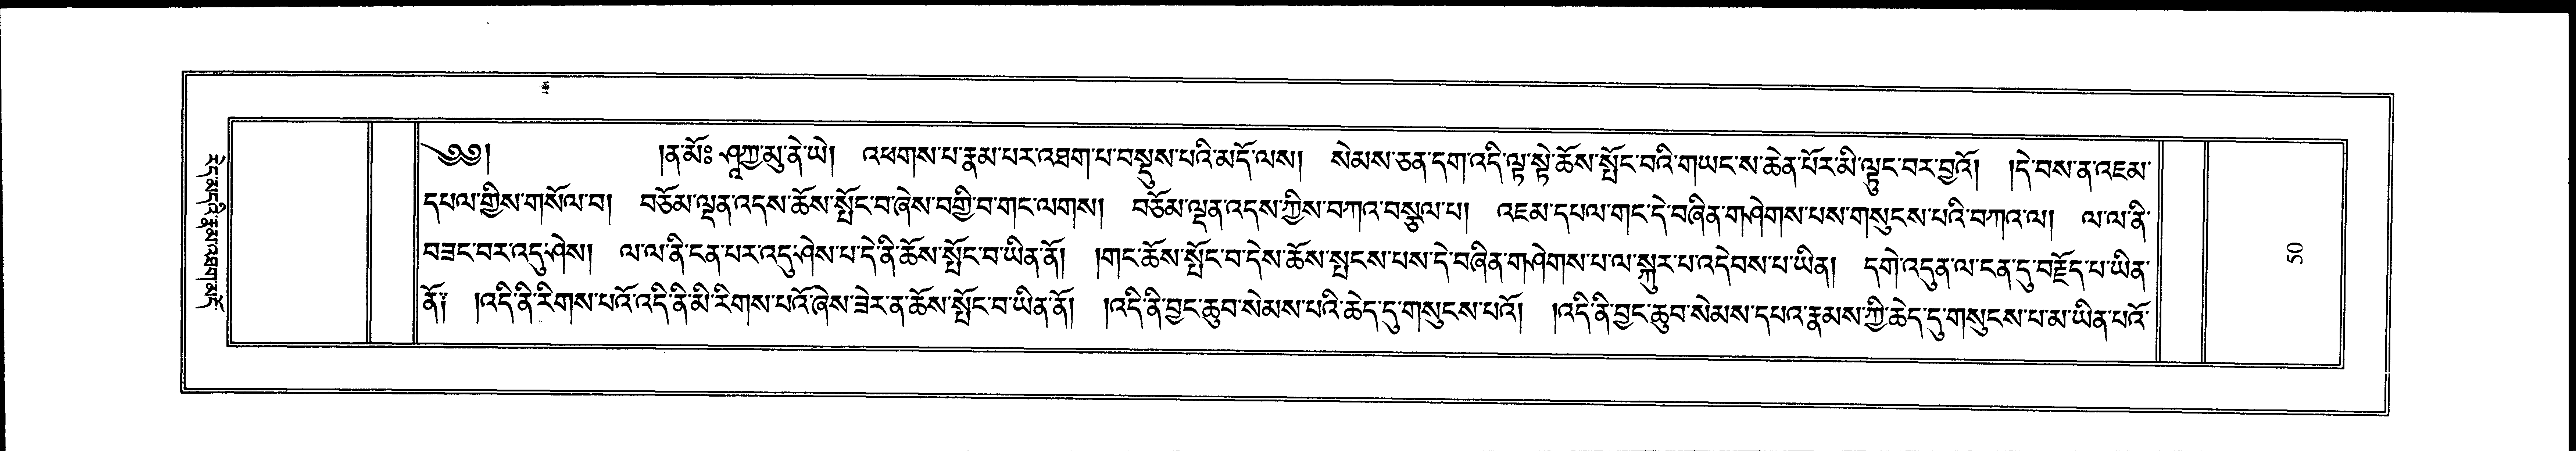༄༅། །ན་མོཿ ཤཱཀྱ་མུ་ནེ་ཡེ། འཕགས་པ་རྣམ་པར་འཐག་པ་བསྡུས་པའི་མདོ་ལས། སེམས་ཅན་དག་འདི་ལྟ་སྟེ་ཆོས་སྤོང་བའི་གཡང་ས་ཆེན་པོར་མི་ལྟུང་བར་བྱའོ། །དེ་བས་ན་འཇམ་
དཔལ་གྱིས་གསོལ་བ། བཅོམ་ལྡན་འདས་ཆོས་སྤོང་བ་ཞེས་བགྱི་བ་གང་ལགས། བཅོམ་ལྡན་འདས་ཀྱིས་བཀའ་བསྩལ་པ། འཇམ་དཔལ་གང་དེ་བཞིན་གཤེགས་པས་གསུངས་པའི་བཀའ་ལ། ལ་ལ་ནི་
བཟང་བར་འདུ་ཤེས། ལ་ལ་ནི་ངན་པར་འདུ་ཤེས་པ་དེ་ནི་ཆོས་སྤོང་བ་ཡིན་ནོ། །གང་ཆོས་སྤོང་བ་དེས་ཆོས་སྤངས་པས་དེ་བཞིན་གཤེགས་པ་ལ་སྐུར་པ་འདེབས་པ་ཡིན། དགེ་འདུན་ལ་ངན་དུ་བརྗོད་པ་ཡིན་
ནོ། །འདི་ནི་རིགས་པའོ་འདི་ནི་མི་རིགས་པའོ་ཞེས་ཟེར་ན་ཆོས་སྤོང་བ་ཡིན་ནོ། །འདི་ནི་བྱང་ཆུབ་སེམས་པའི་ཆེད་དུ་གསུངས་པའོ། །འདི་ནི་བྱང་ཆུབ་སེམས་དཔའ་རྣམས་ཀྱི་ཆེད་དུ་གསུངས་པ་མ་ཡིན་པའོ་